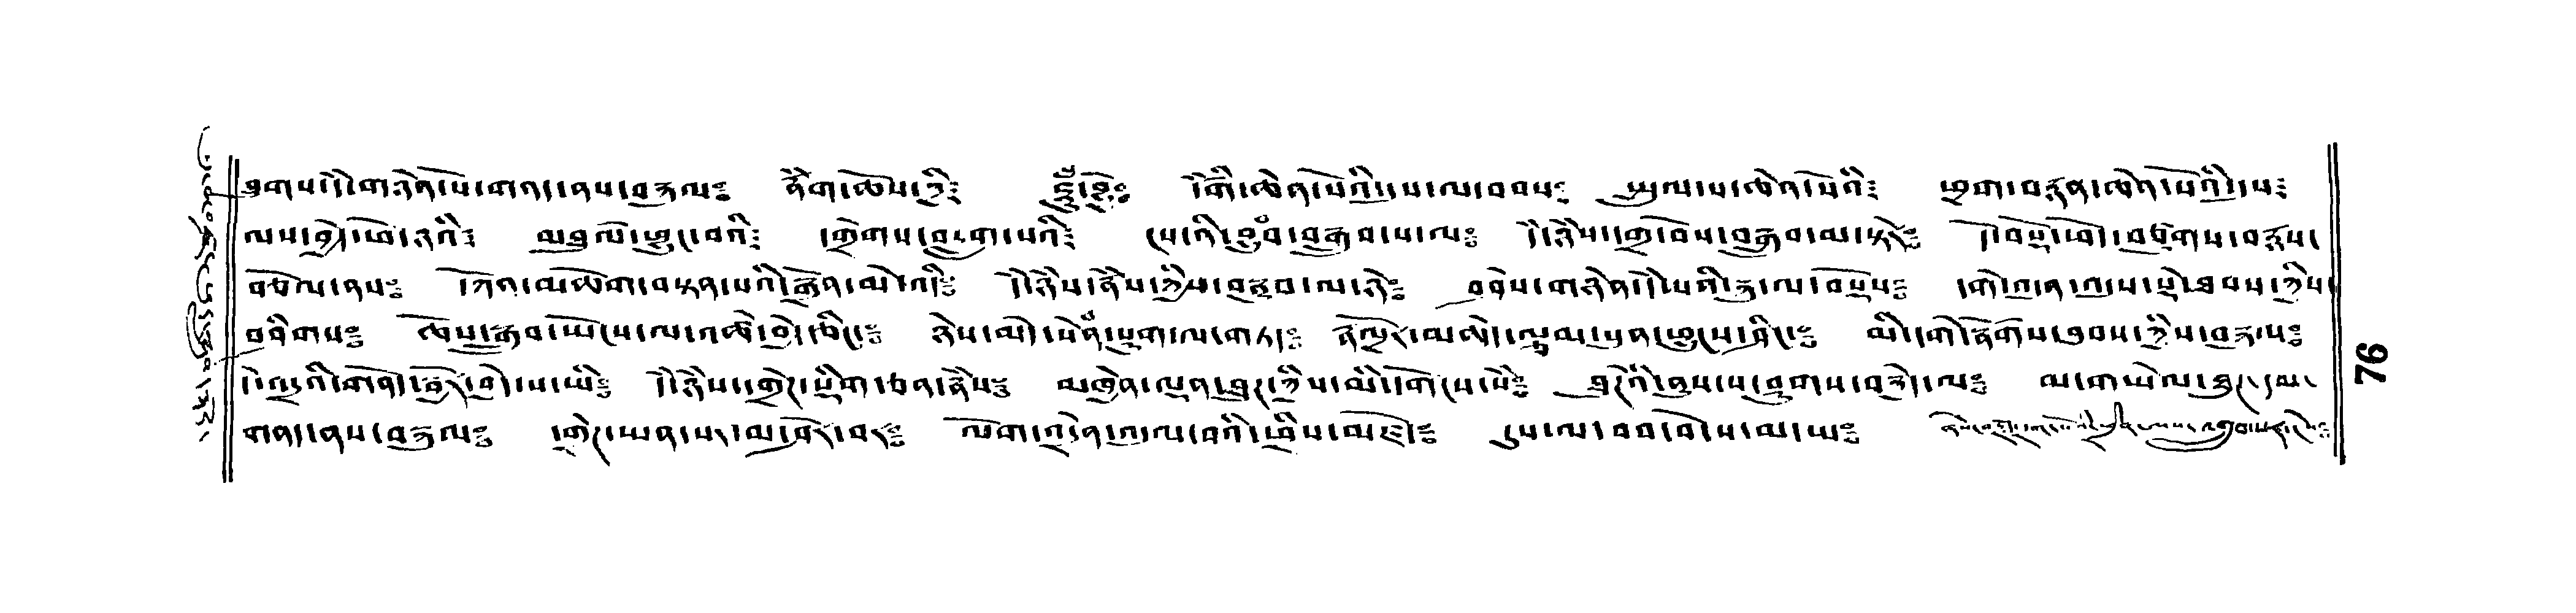ཐུགས་དམ་གཉེན་པོ་གནད་ནས་བསྐུལ༔ རྣམ་དག་ཆོས་ཀྱི༴ ཧཱུྃ་བྷྱོཿ དམ་ཚིག་ཆེན་པོའི་དུས་ལ་བབས༔ སྤྲུལ་པ་ཆེན་པོའི༴ ཕྱག་བརྙན་ཆེན་པོའི་དུས༴ 
ལས་བྱེད་ཕོ་ཉའི༴ མཐུ་རྩལ་ཕྱུང་བའི༴ དགྲ་བགེགས་བརླག་པའི༴ ངས་ནི་བྱང་ཆུབ་བསྒྲུབ་པ་ལ༔ དམ་ཉམས་དགྲ་བོས་བསྒྲུབ་མ་སྟེར༔ དོ་བསྡོ་ཕོད་བཙུགས་བརྙས་
བཅོལ་ནས༔ དཀོན་མཆོག་བསྟན་པའི་སྒྲོན་མེ་འདི༔ དམ་ཉམས་རྣམས་ཀྱིས་བསྣུབས་ལ་ཉེ༔བཤེས་གཉེན་དམ་པའི་སྐུ་ལ་བསྡོས༔ དགེ་འདུན་འདུས་སྡེ་ཐབས་ཀྱིས་
བཤིག༔ ཆོས་སྒྲུབ་ཡོངས་ལ་འཚེ་བྱེད་ཅིང༔ ཉེས་མེད་སེམས་ཅན་སྡུག་ལ་གཏད༔ རྣལ་འབྱོར་མཆེད་ལྕམ་སུན་ཕྱུངས་ཤིང༔ མི་དགེ་སྣ་ཚོགས་ཐབས་ཀྱིས་བསྐུལ༔ 
དེ་འདྲའི་གནོད་སྦྱོར་བྱེད་པ་ཡི༔ དམ་ཉམས་དགྲ་བགེགས་སྡིག་ཅན་རྣམས༔ མཁྱེན་ལྡན་ཐུགས་ཀྱིས་མི་དགོངས་སམ༔ ཐུགས་རྗེའི་ནུས་པ་ཤུགས་བསྐྱེད་ལ༔ མ་གཡེལ་ཐུགས་དམ་
གནད་ནས་བསྐུལ༔ དགྲ་བགེགས་ཡན་པར་མ་ཤོར་བར༔ ལོག་འདྲེན་འདུལ་བའི་ཕྲིན་ལས་མཛོད༔ དུས་ལ་བབ་བོ་ས་མ་ཡ༔ ཞེས་བརྗོད་དྲག་པོའི་ཕྲིན་ལས་འགྲུབ་པར་ངེས༔